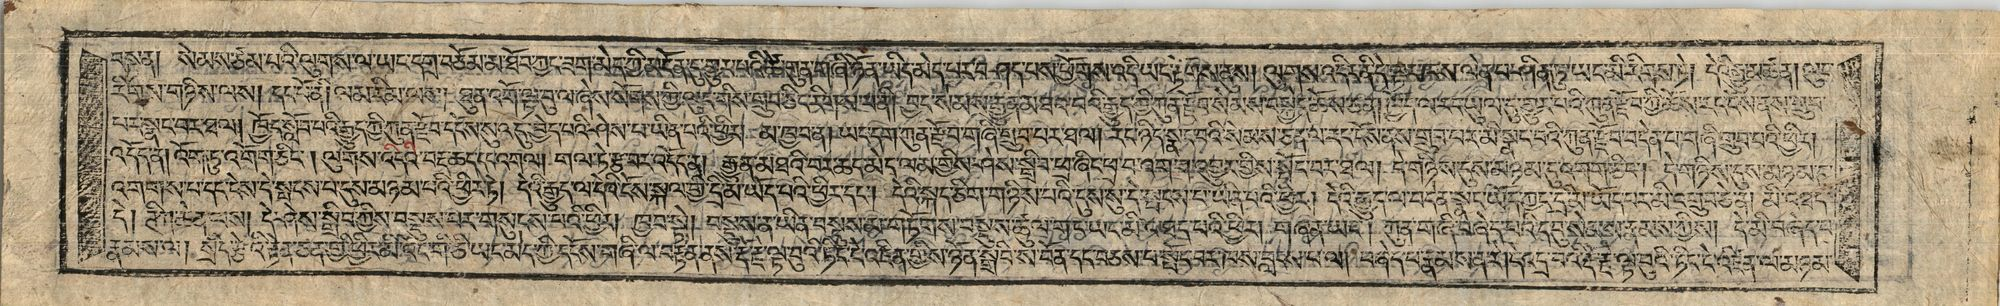བསྟན། སེམས་ཙམ་པའི་ལུགས་ལ་ཡང་དགྲ་བཅོམ་མ་ཐོབ་ཀྱང་ཟག་མེད་ཀྱི་མངོན་དུ་གྱུར་པའི་ཚེ་ཀུན་གཞི་ཉོན་ཡིད་མེད་པར་བཤད་པས་ཕྱོགས་འདི་ཡང་རྟོགས་ནུས། ལུགས་འདིར་ནི་དེ་ལྟར་ཁས་ལེན་པ་ཤིན་ཏུ་ཡང་མི་རིགས་ཏེ། དེའི་རྒྱུ་མཚན། ལུང་
རིགས་གཉིས་ལས། །དང་པོ་ནི། ལམ་རིམ་ལས། ཐུན་འོག་ལྟ་བུ་ལ་ཞེས་སོགས་ཀྱི་ལུང་གིས་གྲུབ་ཅིང་རིགས་པ་ནི། བྱང་སེམས་རྒྱུན་མཐའ་བའི་རྒྱུད་ཀྱི་ཀུན་རྫོབ་སེམས་བསྐྱེད་ཆོས་ཅན། ཁྱོད་ལ་རང་ཡུལ་དུ་གྱུར་པའི་ཀུན་རྫོབ་ཀྱི་ཆོས་རང་ངོས་ནས་གྲུབ་
པར་སྣང་བར་ཐལ། ཁྱོད་སློབ་པའི་རྒྱུད་ཀྱི་ཀུན་རྫོབ་དངོས་ཡུལ་དུ་བྱེད་པའི་ཤེས་པ་ཡིན་པའི་ཕྱིར། མ་ཁྱབ་ན། ཡང་དག་ཀུན་རྫོབ་གཞི་དྲུབྤར་ཐལ། རང་ཉིད་སྣང་བའི་སེམས་ཅན་ལ་རང་ངོས་ནས་གྲུབ་པར་མི་སྣང་བའི་ཀུན་རྫོབ་བདེན་པ་གཞི་གྲུབ་པའི་ཕྱིར།
འདོད་ན། འོག་ཏུ་འགོག་ཅིང་། ལུགས་འདིའི་བརྡ་ཆད་དང་འགལ། གལ་ཏེ་རྩ་བར་འདོད་ན། རྒྱུན་མཐའི་བར་ཆད་མེད་ལམ་གྱིས་ཤེས་སྒྲིབ་ཕྲ་ཞིང་ཕྲ་བ་འགག་འགྱུར་གྱིས་སྤོང་བར་ཐལ། དེ་གཉིས་དུས་མཉམ་དུ་འགག་ཅིང་། དེ་གཉིས་དུས་མཉམ་དུ་
འགགས་པ་དང་ངེས་དེ་སྤངས་པ་དུས་མཉམ་པའི་ཕྱིར་ཏེ། དེའི་རྒྱུད་ལ་དེའི་ངོས་སྐལ་གྱི་དྲི་མ་ཡོད་པའི་ཕྱིར་དང་། དེའི་སྐད་ཅིག་གཉིས་པའི་དུས་སུ་དེ་སྤངས་པ་ཡིན་པའི་ཕྱིར། དེའི་རྒྱུད་ལ་བདེན་སྣང་ཡོད་ཀྱང་དྲི་མ་ཡོད་པར་མི་འགྲུབ་ཅེ་ན། མི་འཐད་
དེ། །ཊིཀཆེན་ལས། དེ་ཤེས་སྒྲིབ་ཀྱིས་བསྡུས་པར་གསུངས་པའི་ཕྱིར། ཁྱབ་སྟེ། བསྡུས་ན་ཡིན་བསྡུས་མ་གཏོགས་བསྡུས་ཚུལ་གང་ཡང་མི་འཐད་པའི་ཕྱིར། གཞན་ཡང་། ཀུན་གཞི་བཞེད་པའི་དབུ་སེམས་རྣམས་ཀྱིས། དེ་མི་བཞེད་པ་
རྣམས་ལ། སྲིད་རྩེའི་རྟེན་ཅན་གྱི་ཕྱིར་མི་འོང་གིས་ཅི་ཡང་མེད་ཀྱི་དངོས་གཞི་ལ་བརྟེན་ནས་རྡོ་རྗེ་ལྟ་བུའི་ཏིང་ངེ་འཛིན་གྱིས་ཉོན་སྒྲིབ་ས་བོན་དང་བཅས་པ་སྤོང་བར་ཁས་བླངས་པ་ལ། བཞེད་པ་རྣམས་ན་རེ། དེ་འདྲ་བའི་རྡོ་རྗེ་ལྟ་བུའི་ཏིང་ངེ་འཛིན་ལ་མཉམ་